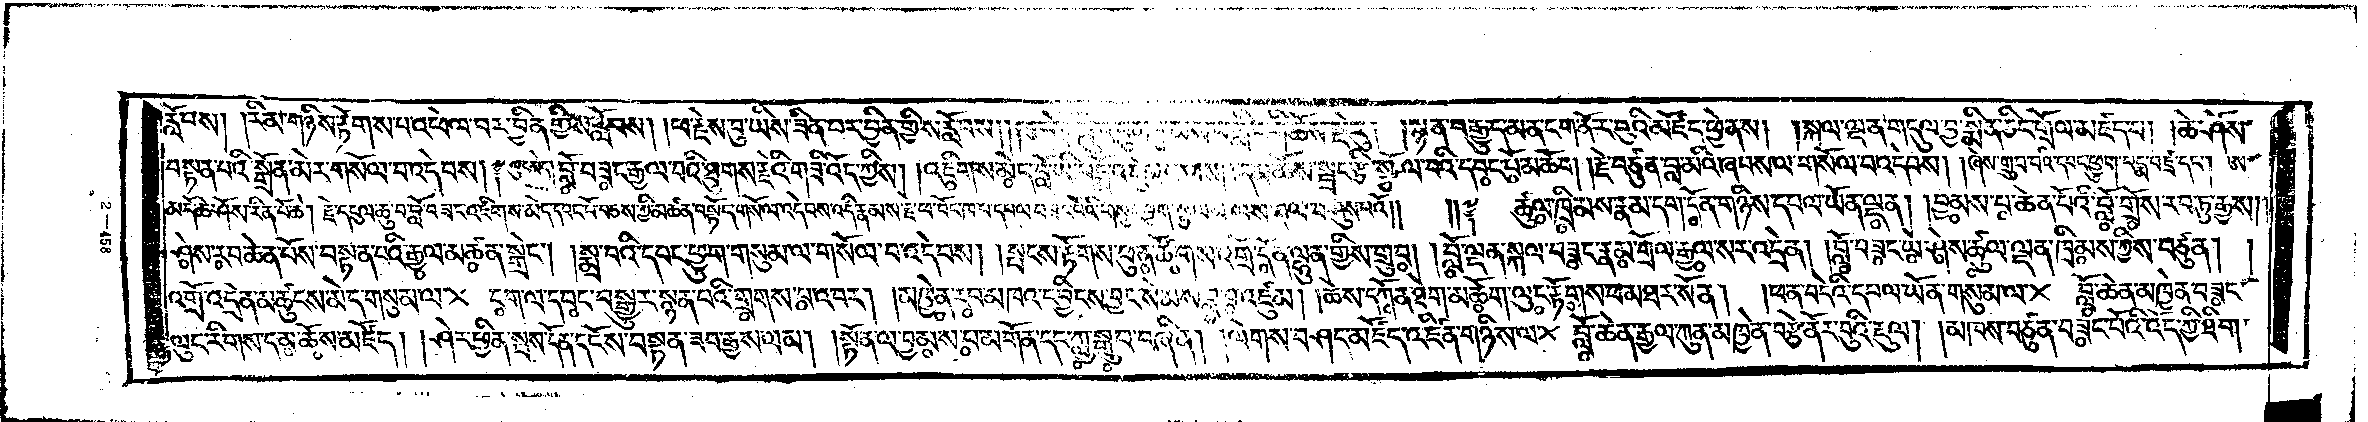རློབས། །རིམ་གཉིས་རྟོགས་པ་འཕེལ་བར་བྱིན་གྱིས་རློབས། །ཕ་རྗེས་བུ་ཡིས་ཟིན་པར་བྱིན་གྱིས་རློབས། །༈ ལུང་མེད་སྐུ་འབུམ་བྱམས་བ་གླིང་གི་ཆོས་སྡེ་རུ། །སྙན་བརྒྱུད་མན་ངག་ནོར་བུའི་མཛོད་ཕྱེ་ནས། །སྐལ་ལྡན་གདུལ་བྱ་སྨིན་ཅིང་གྲོལ་མཛད་པ། །ཆེ་ཤོས་
བསྟན་པའི་སྒྲོན་མེར་གསོལ་བ་འདེབས། ༈ ལུང་མེད།  བློ་བཟང་རྒྱལ་བའི་ཐུགས་རྗེའི་གཟི་འོད་ཀྱིས། །འཇིགས་མེད་བློ་ཡི་པདམོ་འཛུམ་པ་ལས། །དམ་ཆོས་སྦྲང་རྩི་སྩོལ་བའི་དབང་པོ་མཆོག །རྗེ་བཙུན་བླ་མའི་ཞབས་ལ་གསོལ་བ་འདེབས། །ཞེས་གྲུབ་བའི་དབང་ཕྱུག་པདམ་བཛྲ་དང་། ཨ་
མདོ་ཆེ་ཤོས་རིན་པོ་ཆེ། རྗེ་དངུལ་ཆུ་བ་བློ་བཟང་འཇིགས་མེད་དབང་པོ་བཅས་ཀྱི་མཚན་བསྟོད་གསོལ་འདེབས་འདི་རྣམས་རྗེ་ཕ་བོང་ཁ་པ་དཔལ་བཟང་པོའི་གསུང་ཕྱག་སྩལ་མ་ལས་ཞལ་བཤུས་པའོ།། །།༈ ཚུལ་ཁྲིམས་རྣམ་དག་དོན་གཉིས་དཔལ་ཡོན་ལྡན། །བྱམས་པ་ཆེན་པོའི་བློ་གྲོས་རབ་ཏུ་རྒྱས། །
ཤེས་རབ་ཆེན་པོས་བསྟན་པའི་རྒྱལ་མཚན་སྒྲེང་། །སྨྲ་བའི་དབང་ཕྱུག་གསུམ་ལ་གསོལ་བ་འདེབས། །སྤངས་རྟོགས་ཕུན་ཚོགས་འགྲོ་དོན་ལྷུན་གྱིས་གྲུབ། །བློ་ལྡན་སྐལ་བཟང་རྣམ་གྲོལ་རྒྱལ་སར་འདྲེན། །བློ་བཟང་ཡེ་ཤེས་ཚུལ་ལྡན་ཁྲིམས་ཀྱིས་བཙུན། །
འགྲོ་འདྲེན་མཚུངས་མེད་གསུམ་ལ་྾་ངག་ལ་དབང་བསྒྱུར་སྙན་བའི་གྲགས་པ་འབར། །མཁྱེན་རབ་མཁའ་དབྱིངས་བྱང་སེམས་ཟླ་H འཛུམ། །ཆོས་དཀོན་ཐེག་མཆོག་ལུང་རྟོགས་ཕ་མཐར་སོན། །ཕན་བདེའི་དཔལ་ཡོན་གསུམ་ལ་྾་བློ་ཆེན་མཁྱེན་བཟང་
ལུང་རིགས་དམ་ཆོས་མཛོད། །ཤེར་ཕྱིན་སྦས་དོན་དངོས་བསྟན་ཟབ་རྒྱས་ལམ། །སྟོན་ལ་བྱམས་པ་མགོན་དང་ཀླུ་སྒྲུབ་བཞིན། །ལེགས་བཤད་མཛོད་འཛིན་གཉིས་ལ་྾་བློ་ཆེན་རྒྱལ་ཀུན་མཁྱེན་བརྩེ་ནོར་བུའི་རྡུལ། །མཁས་བཙུན་བཟང་པོའི་འོད་ཀྱི་ཐིག་